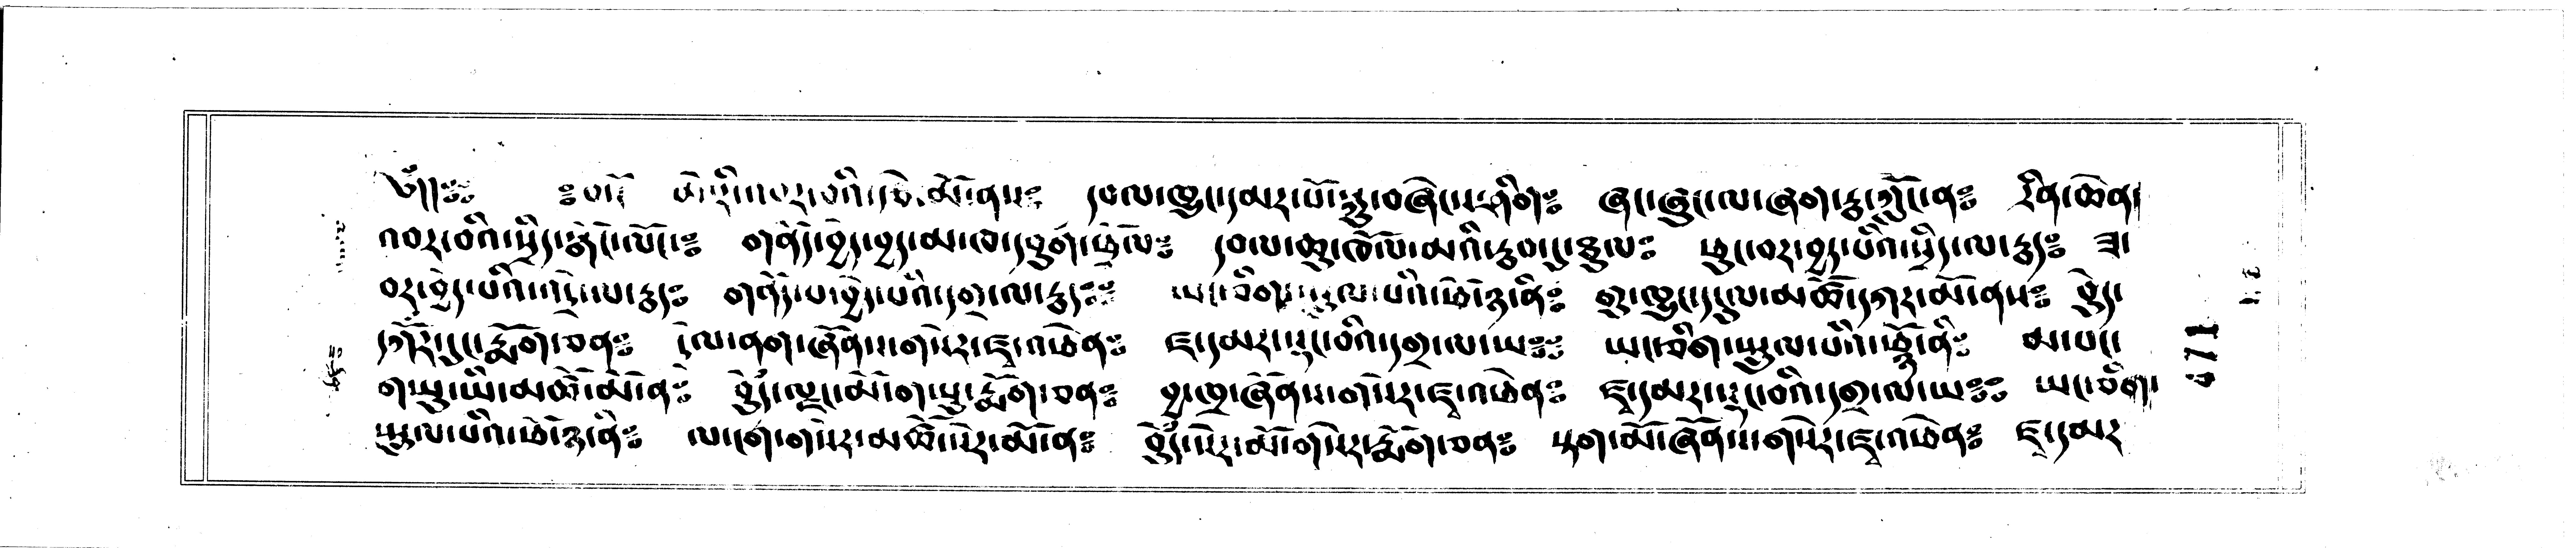༅།༔༔བསྭོ༔མེ་རི་འབར་བའི་རྩེ་མོ་ནས༔དབལ་ཁྱུང་དམར་པོ་སྐུ་བཞེངས་ཤིག༔ཞང་ཞུང་ལ་ཞག་རྦ་ཀློང་ན༔རིན་ཆེན་
འབར་བའི་སྲིད་སྒོང་ལོང་༔གནོད་བྱེད་བྱད་མ་ཁ་དབུགས་ཕྲོལ༔དབལ་ཆུ་ཁོལ་མའི་རླབ་དུ་ཐུལ༔ཕུང་བར་བྱེད་པའི་སྲི་ལ་རྦད༔ཟ་
བར་བྱེད་པའི་འདྲེ་ལ་རྦད༔གནོད་པར་བྱེད་པའི་དགྲ་ལ་རྦད༔༔ཡང་ཅིག་སྤྲུལ་པའི་ཕོ་ཉ་ནི༔གུ་ཁྱུང་དངུལ་མཚོ་དཀར་མོ་ནས༔བུད་མེད་
དཀར་མོ་དུང་རྨོག་ཅན༔དྲེལ་ནག་ཞོན་ནས་གསེར་ཛྭ་འཕེན༔ཛྭ་དམར་སྡང་བའི་དགྲ་ལ་ཡ༔༔ཡང་ཅིག་སྤྲུལ་པའི་ཕོ་ཉ་ནི༔མ་པང་
གཡུ་ཡི་མཚོ་མོ་ན༔བུད་མེད་ལྗང་མོ་གཡུ་རྨོག་ཅན༔བྱ་ཁྲ་ཞོན་ནས་གསེར་ཛྭ་འཕེན༔ ཛྭ་དམར་སྡང་བའི་དགྲ་ལ་ཡ༔༔ཡང་ཅིག་
སྤྲུལ་པའི་ཕོ་ཉ་ནི༔ལ་ངག་གསེར་མཚོ་སེར་མོ་ན༔བུད་མེད་སེར་མོ་གསེར་རྨོག་ཅན༔སྟག་མོ་ཞོན་ནས་གསེར་ཛྭ་འཕེན༔ ཛྭ་དམར་སྡང་བའི་དགྲ་ལ་ཡ༔༔